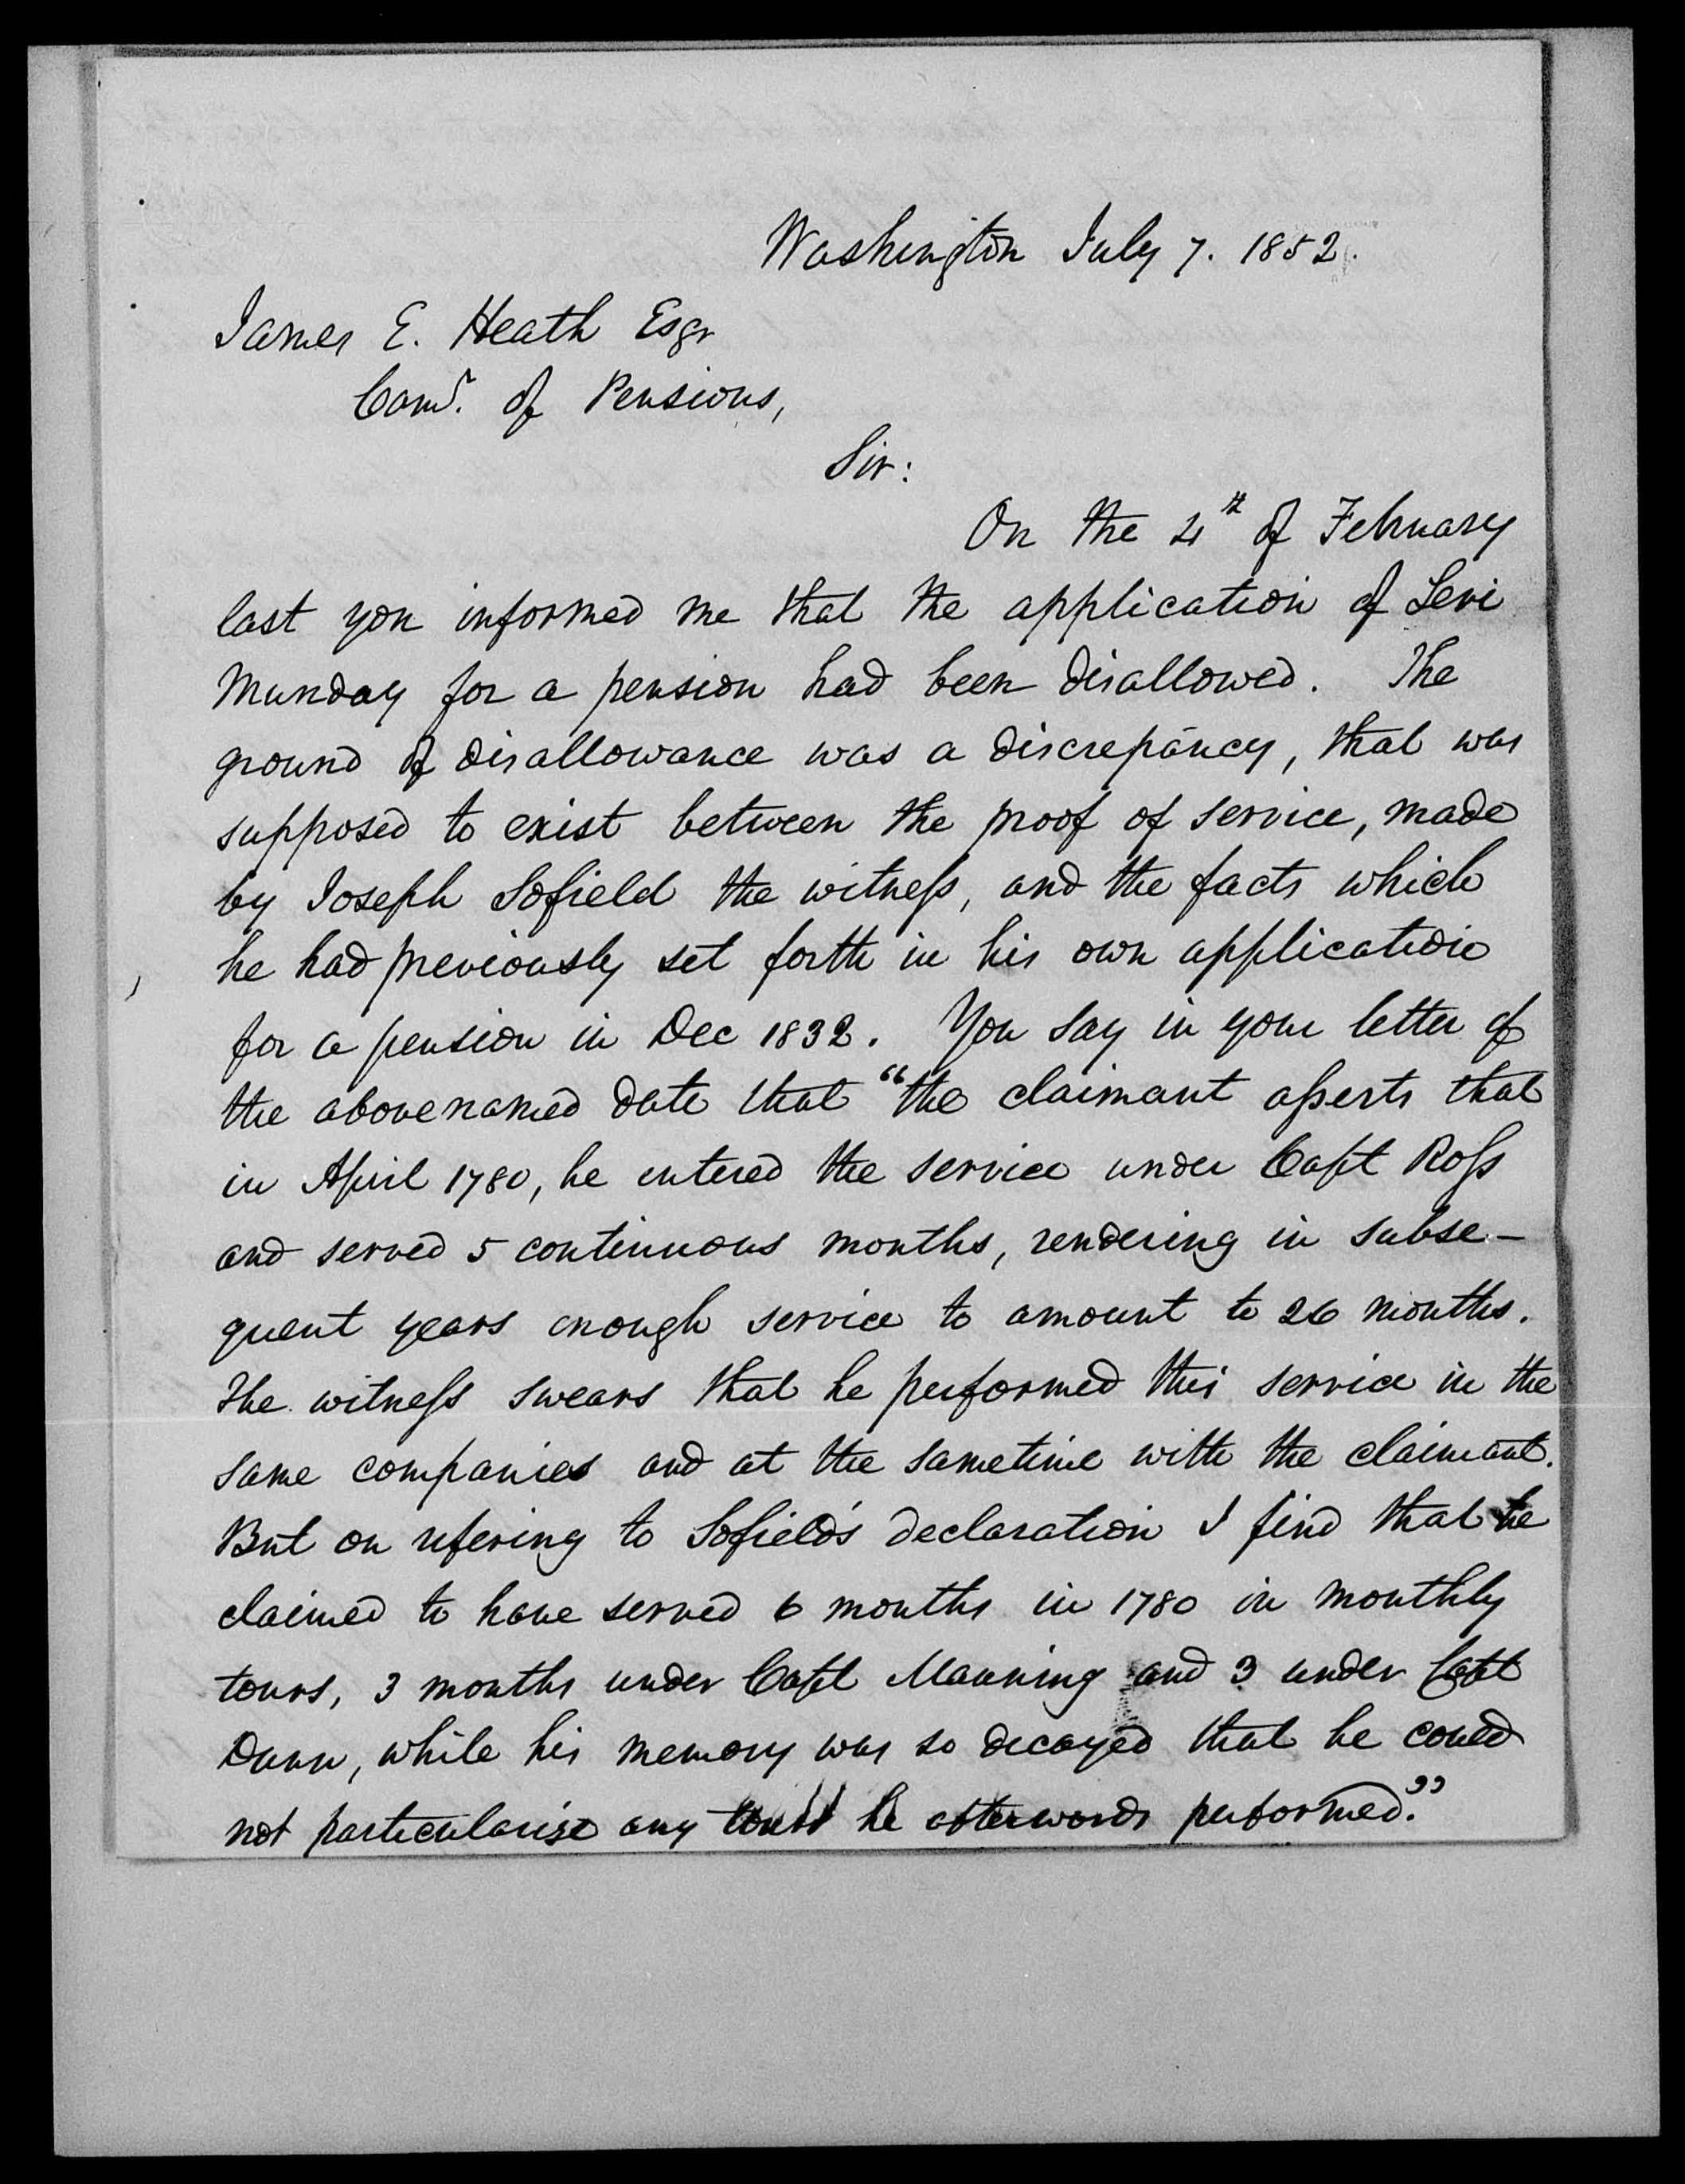Washington, July 7, 1852.

James E. Heath, Esq.
Com(missioner) of Pensions

Sir,

On the 4th of February last you informed me that the application of Levi Munday for a pension had been disallowed. The ground of disallowance was a discrepancy, that was supposed to exist between the proof of service, made by Joseph Sofield the witness, and the facts which he had previously set forth in his own application for a pension in Dec 1832. You say in your letter of the above named date that, "the claimant asserts that in April 1780, he entered the service under Capt. Ross and served 5 continuous months, rendering in subsequent years enough service to amount to 26 months. The witness swears that he performed this service in the same companies and at the same time with the claimant. But on referring to Sofield's declaration, I find that he claimed to have served 6 months in 1780 in monthly tours, 3 months under Capt. Manning and 3 under Capt. Dunn, while his memory was so decayed that he could not particularize any tours he afterwards performed."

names: Levi Munday; [BLANK] Ross; James E Heath; [BLANK] Manning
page: 61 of 95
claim: survivor's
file: S 2889, for Levi Mundy, New Jersey